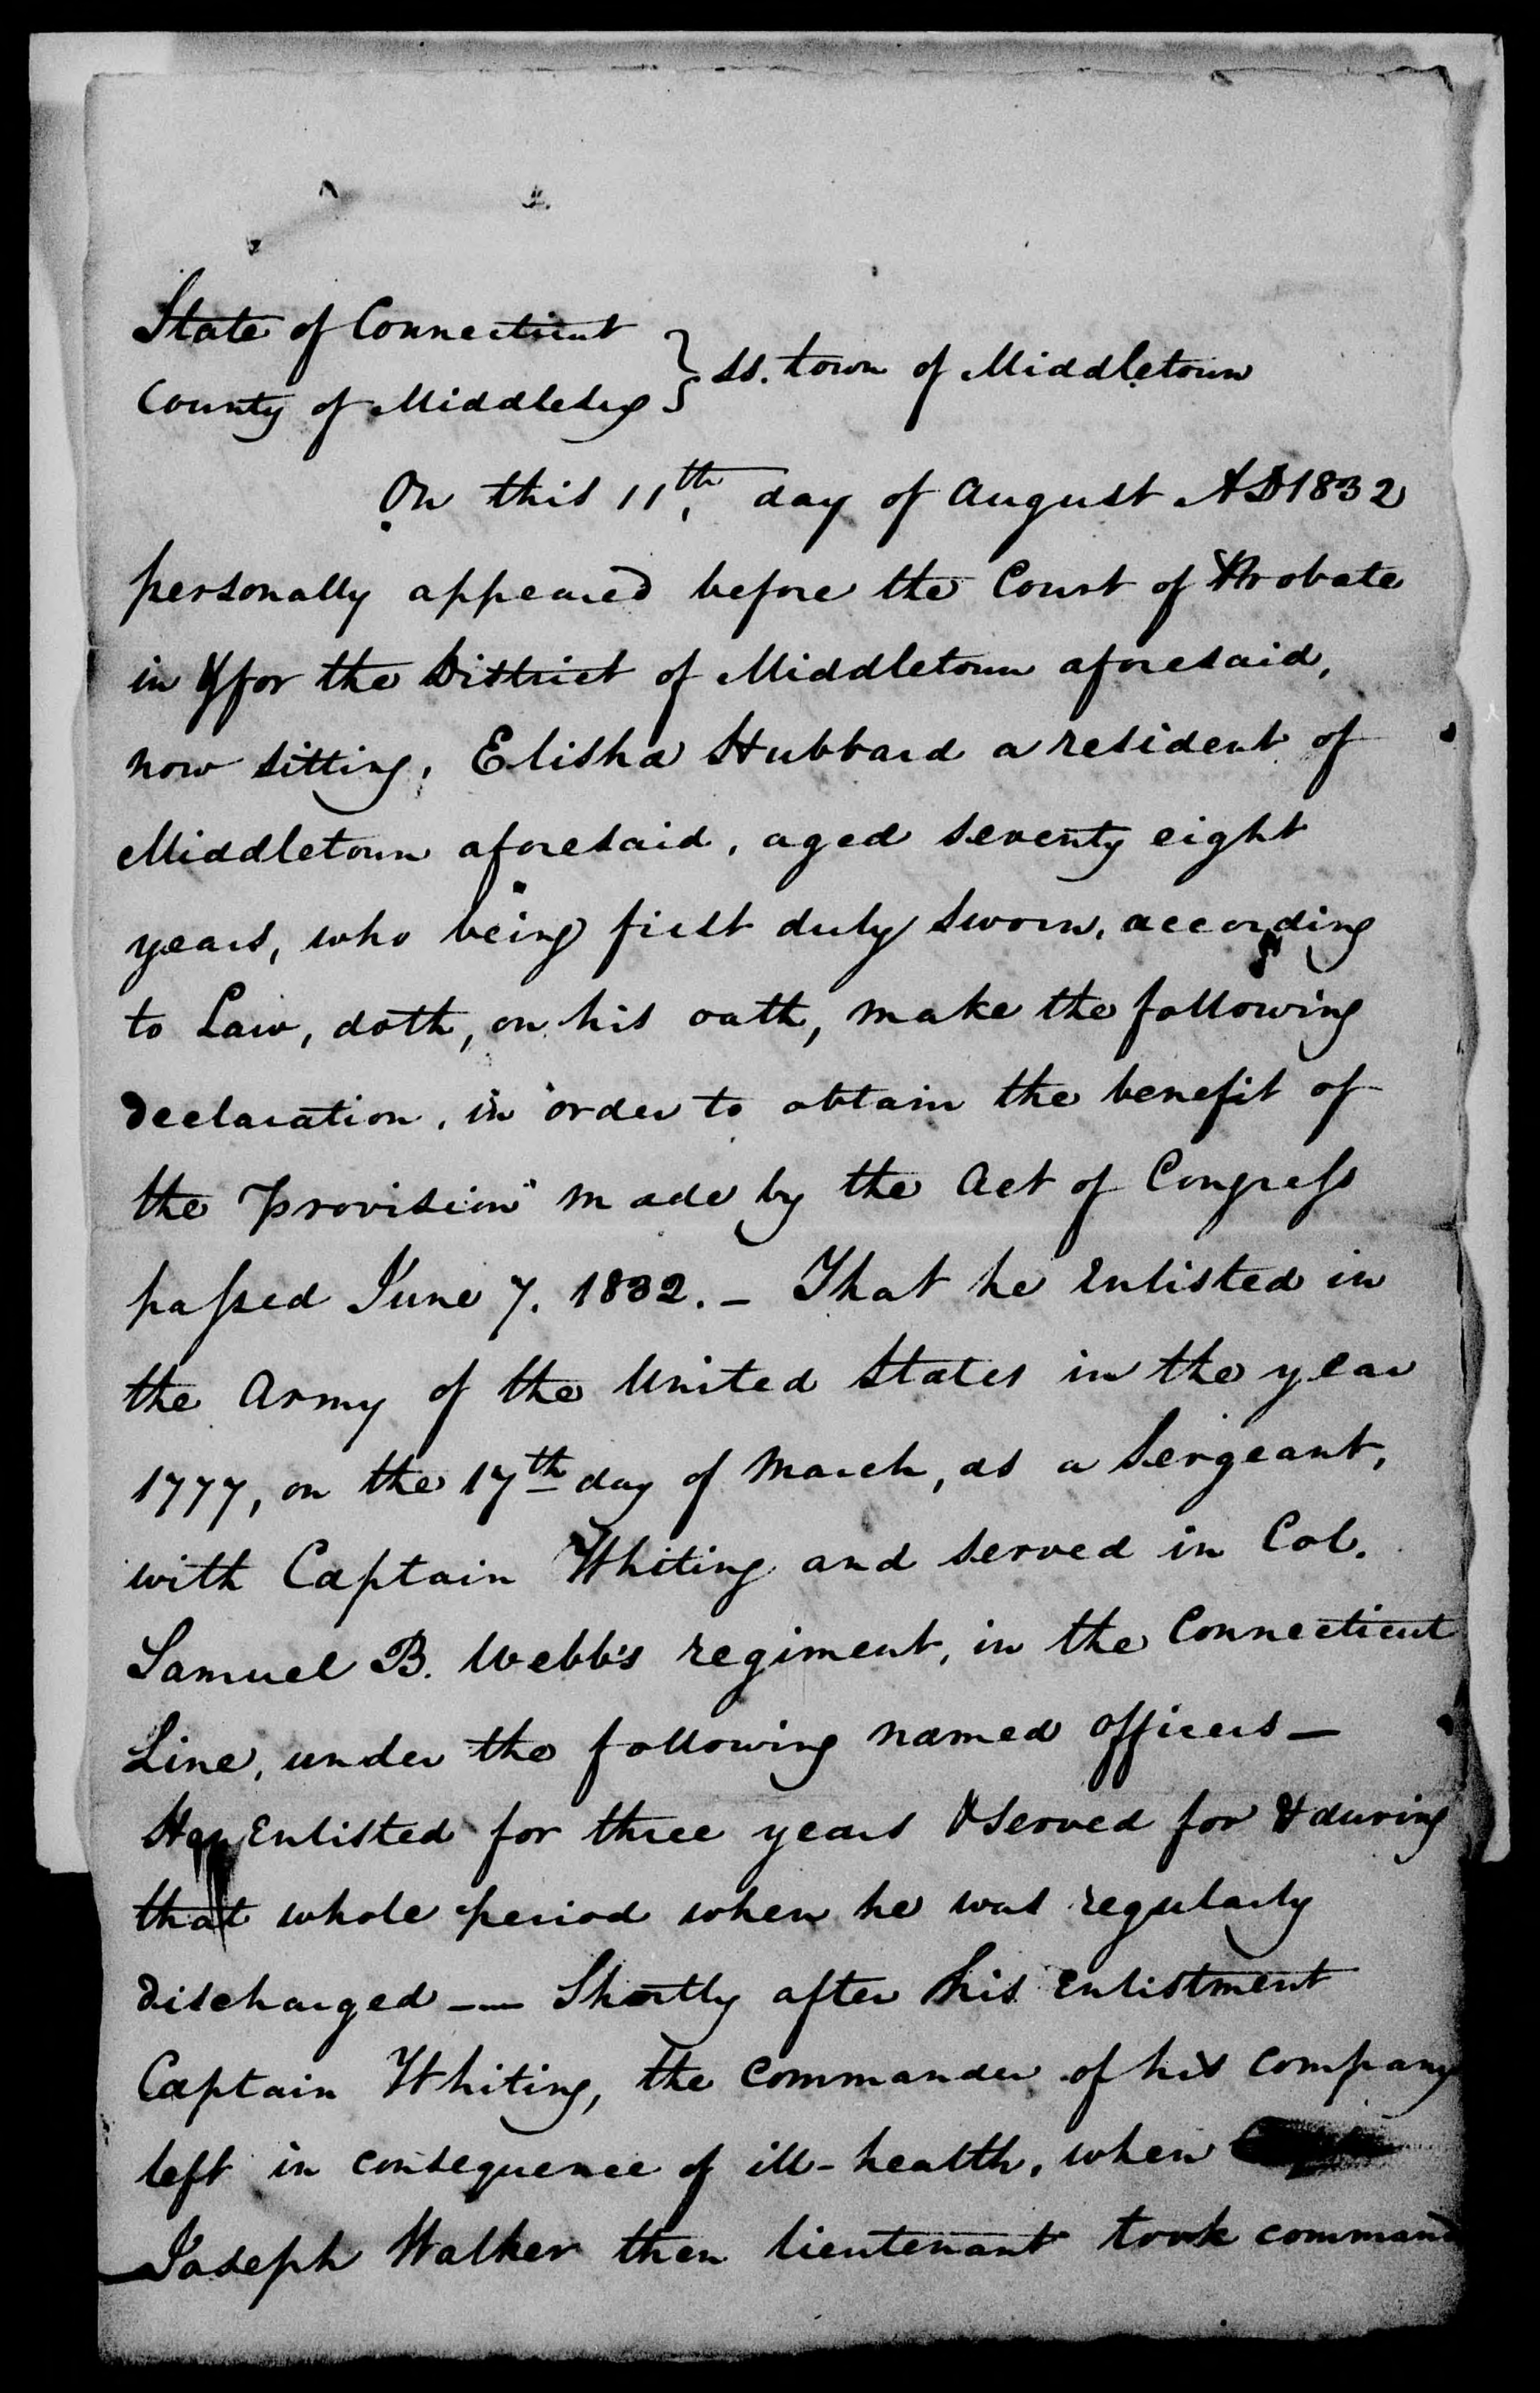State of Connecticut}
County of Middletown}  ss. town of Middletown

On this 11th, day of August AD 1832 personaly appeared before the Court of Probate in & for the District of Middletown aforesaid, now sitting, Elisha Hubbard  a resident of Middletown aforesaid, aged seventy eight years, who being first duly sworn, according to Law, doth, on his oath, make the following declaration, in order to obtain the benefit of the provision made by the Act of Congress passed  June 7. 1832. - That he enlisted in the Army of the United States in the year 1777, on the 17th day of March, as a Sergeant, with Captain Whiting and served in Col. Samuel B. Webb's regiment, in the Connecticut Line, under the following named officers -He enlisted for three years & served for & during that whole period when he  was discharged  --- Shortly after his enlistment Captain Whiting, the commander of his company left in consequence of ill-health, when Joseph Walker took command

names: Joseph Walker, Whiting, Elisha Hubbard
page: 6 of 63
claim: survivor's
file: S. 18457, Elisha Hubbard, Conn. Continental